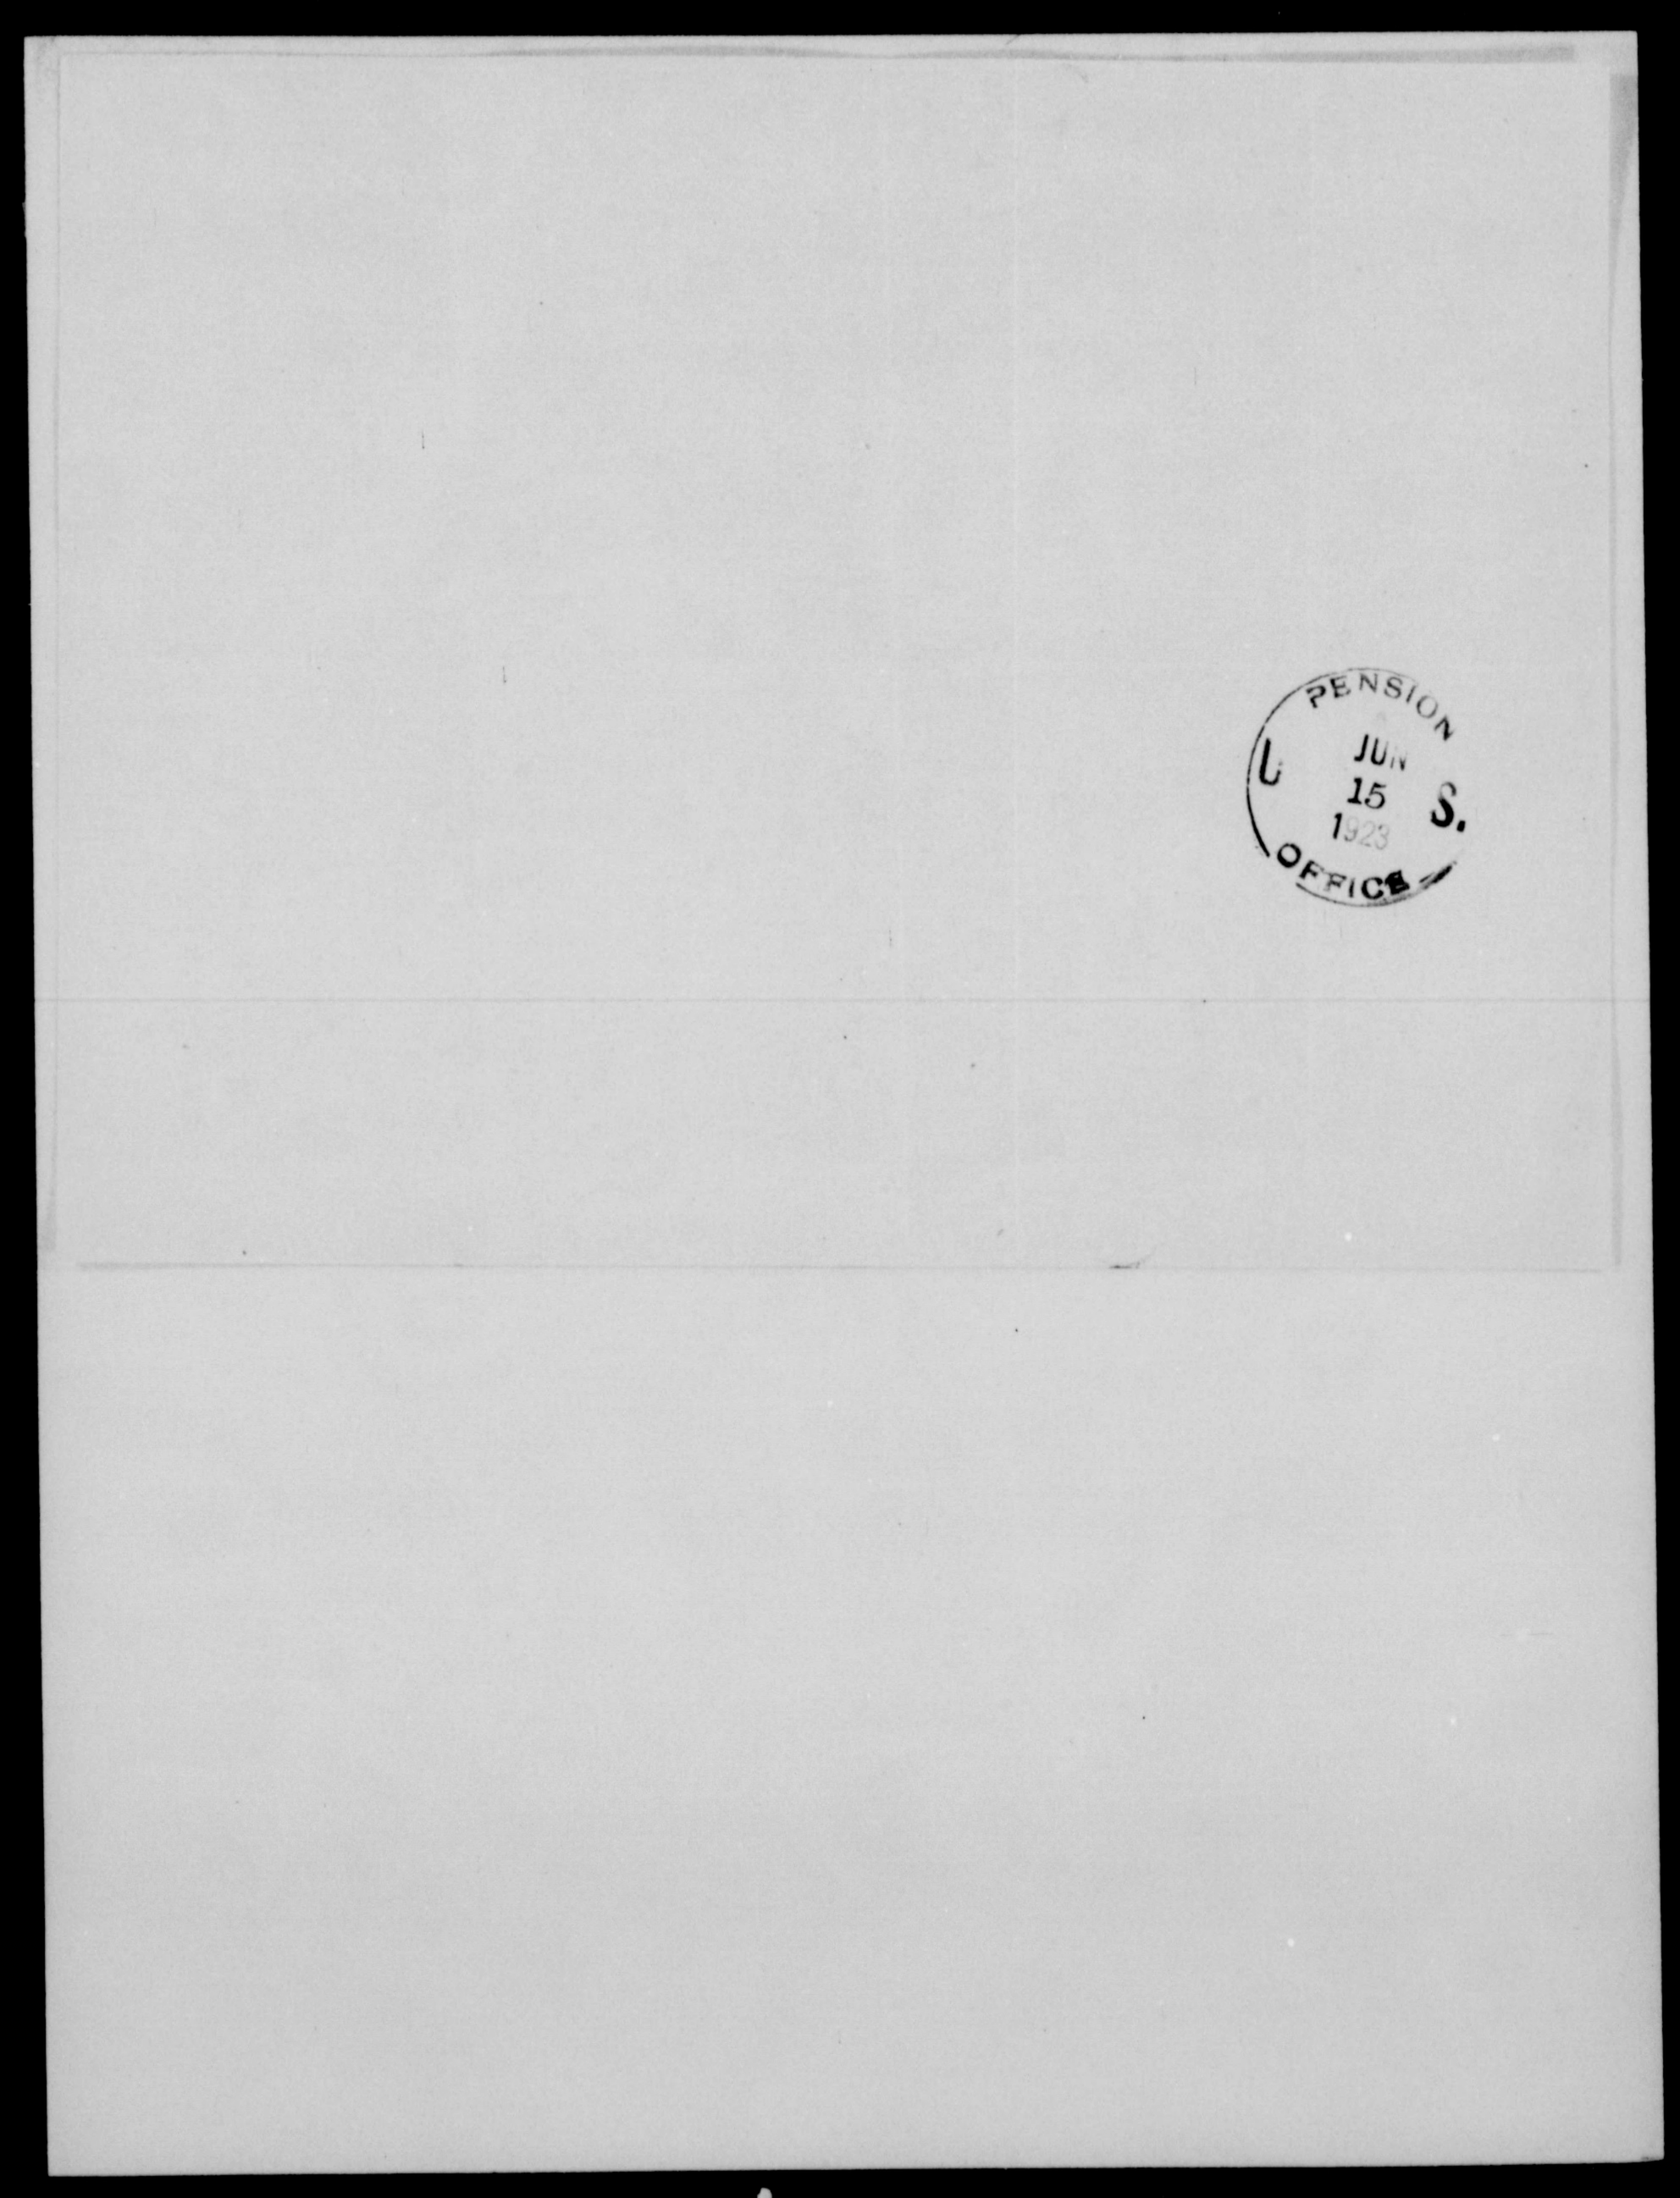Seal

US PENSION OFFICE
June 15 1923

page: 18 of 20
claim: survivor's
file: S. 30,698, for Christopher Shippee, Rhode Island